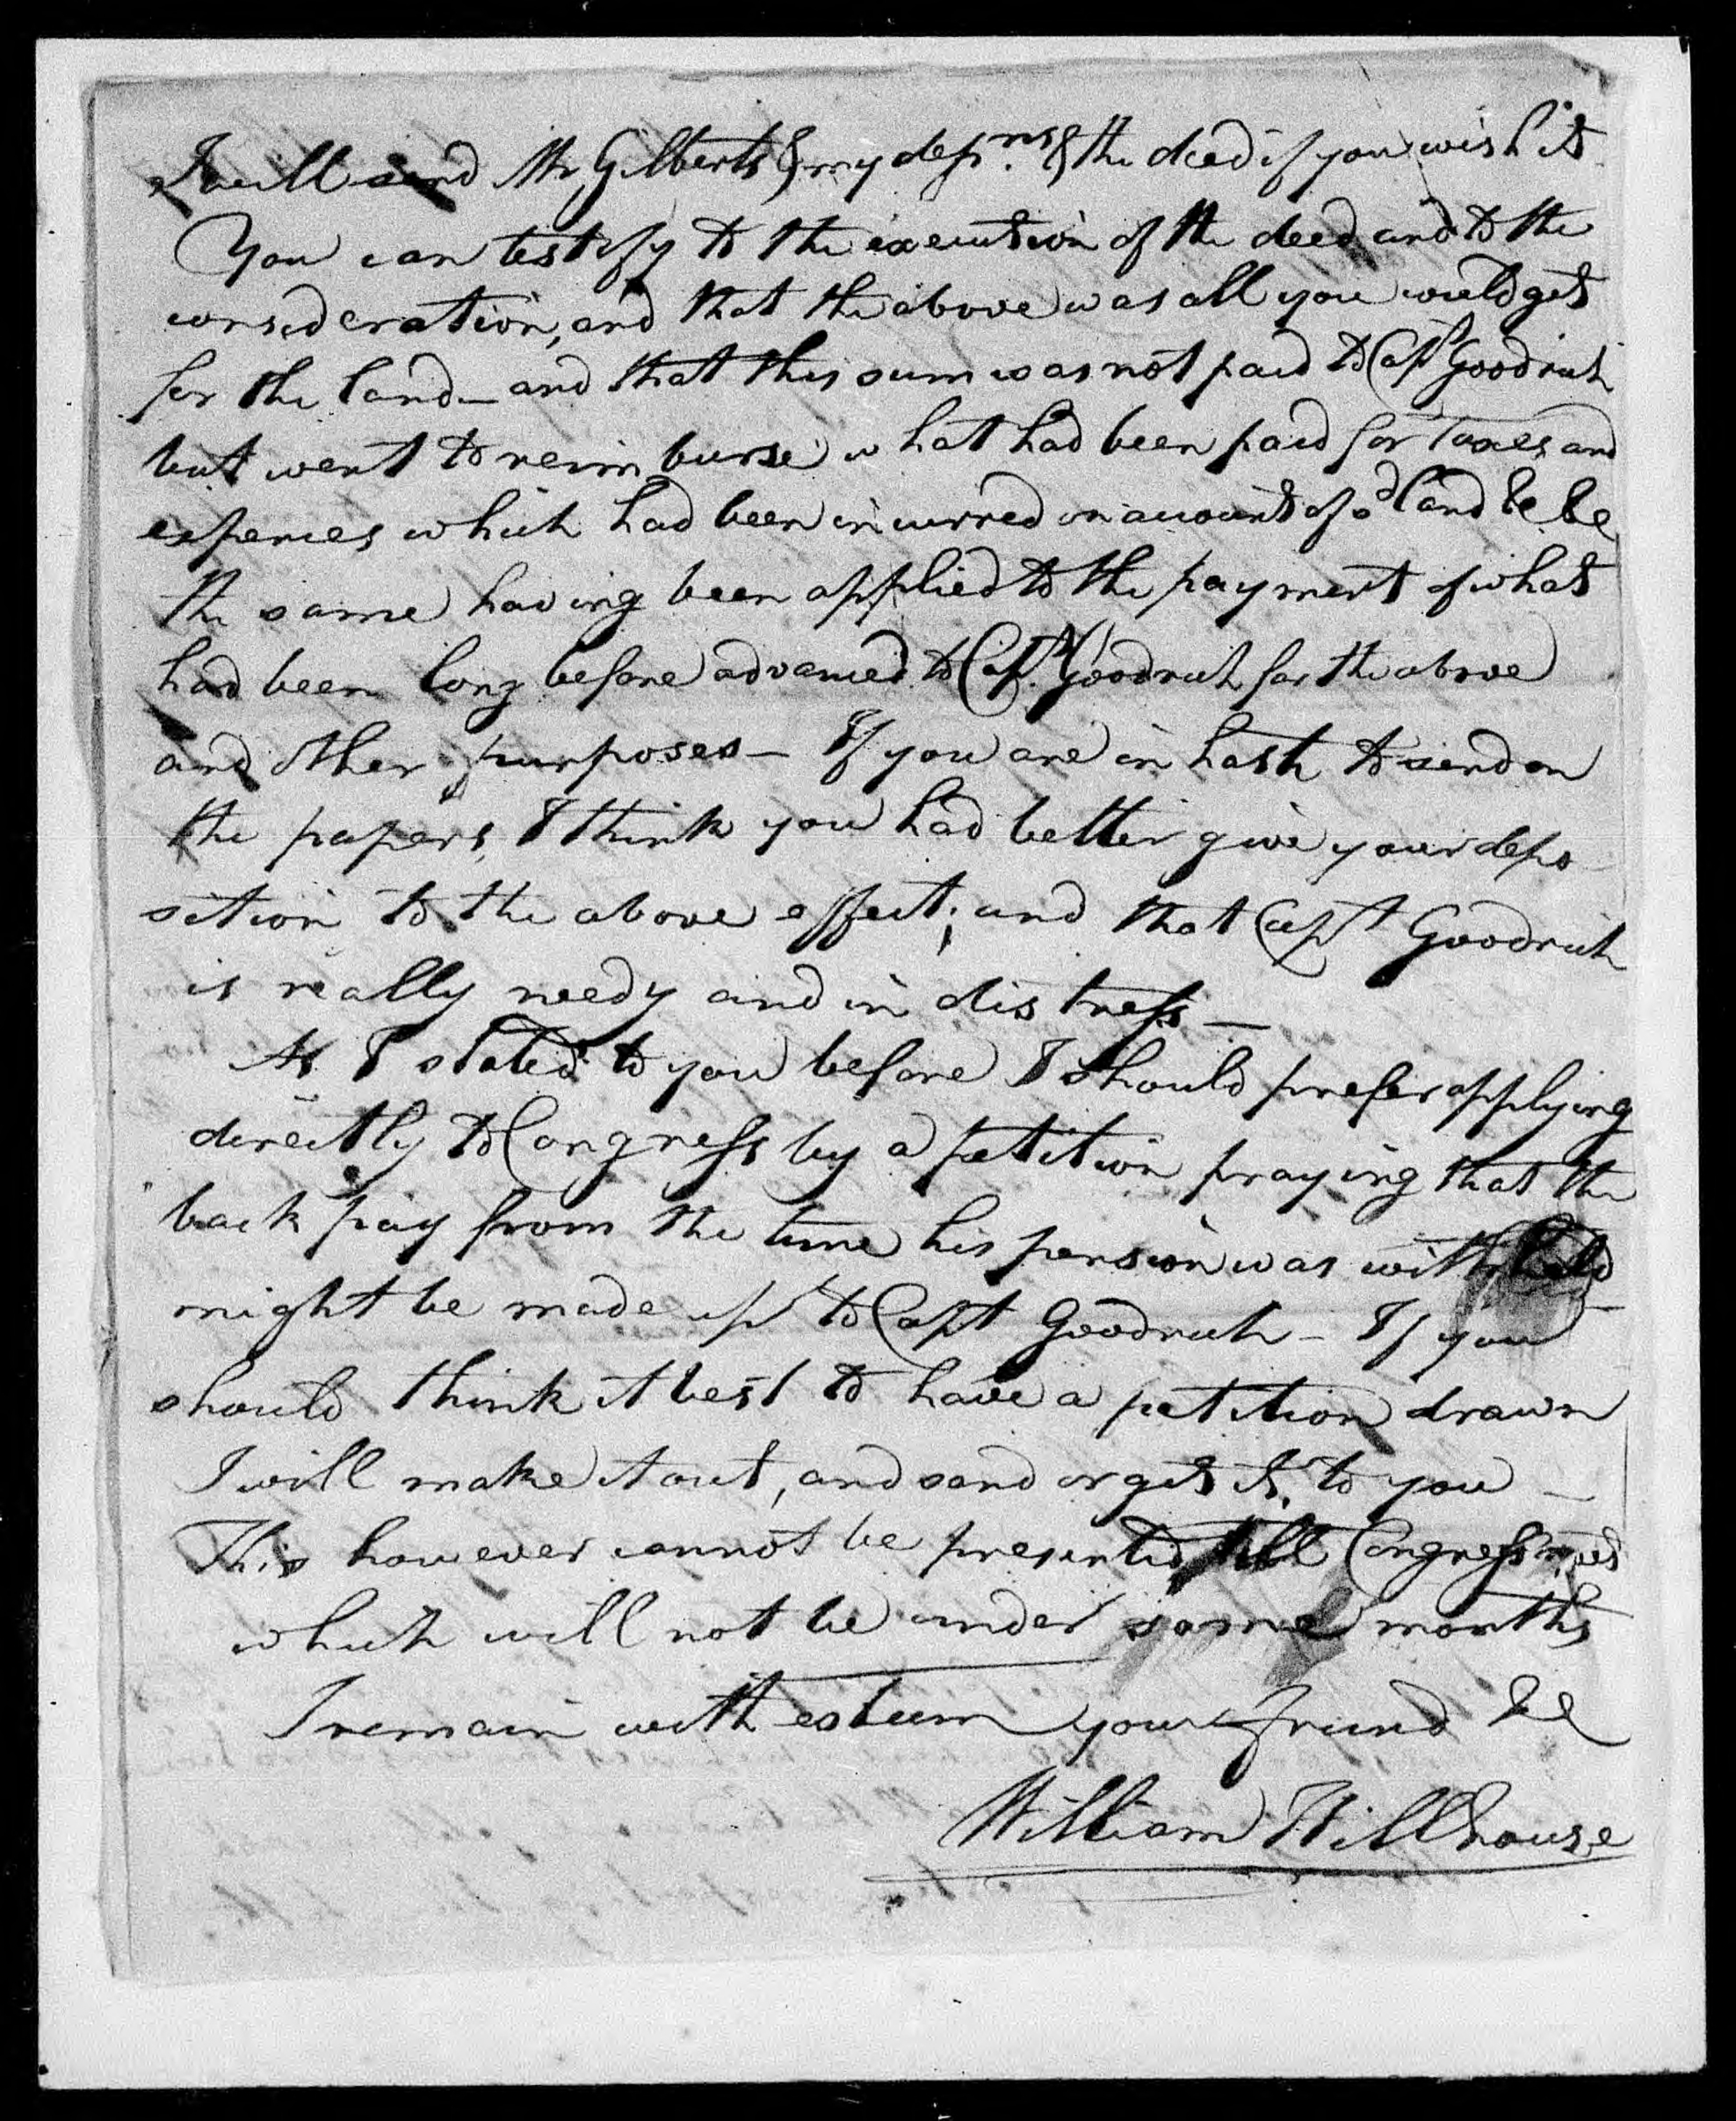I will send Mr. Gilberts & my depns & the deed if you with it. You can testify to the execution of the deed and to the consideration, and that the above was all you could get for the land - and that this sum was not paid to Capt Goodrich but went to reimburse what had been paid for taxes and expenses which had been incurred on account of said land. The same having been applied to the payment of what had been long before advance to Capt Goodrich for the above and other purposes. If you are in haste to send on the papers, I think you had better give your deposition to the above effect; and that Capt Goodrich is really needy and in distress.

As I stated to you before I should prefer applying directly to Congress by a petition praying that the back pay from the time his pension was withheld might be made up to Capt Goodrich. If you should think it best to have a petition drawn I will make it out, and send or get it to you. This however cannot be presented til Congress meets which will not be under some months.
I remain with esteem your friend &c
William Hillhouse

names: William Hillhouse, Gilbert, Goodrich, Goodrich, Goodrich, Goodrich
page: 32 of 46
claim: survivor's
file: S. 36,556, Ichabod Goodrich, Conn.